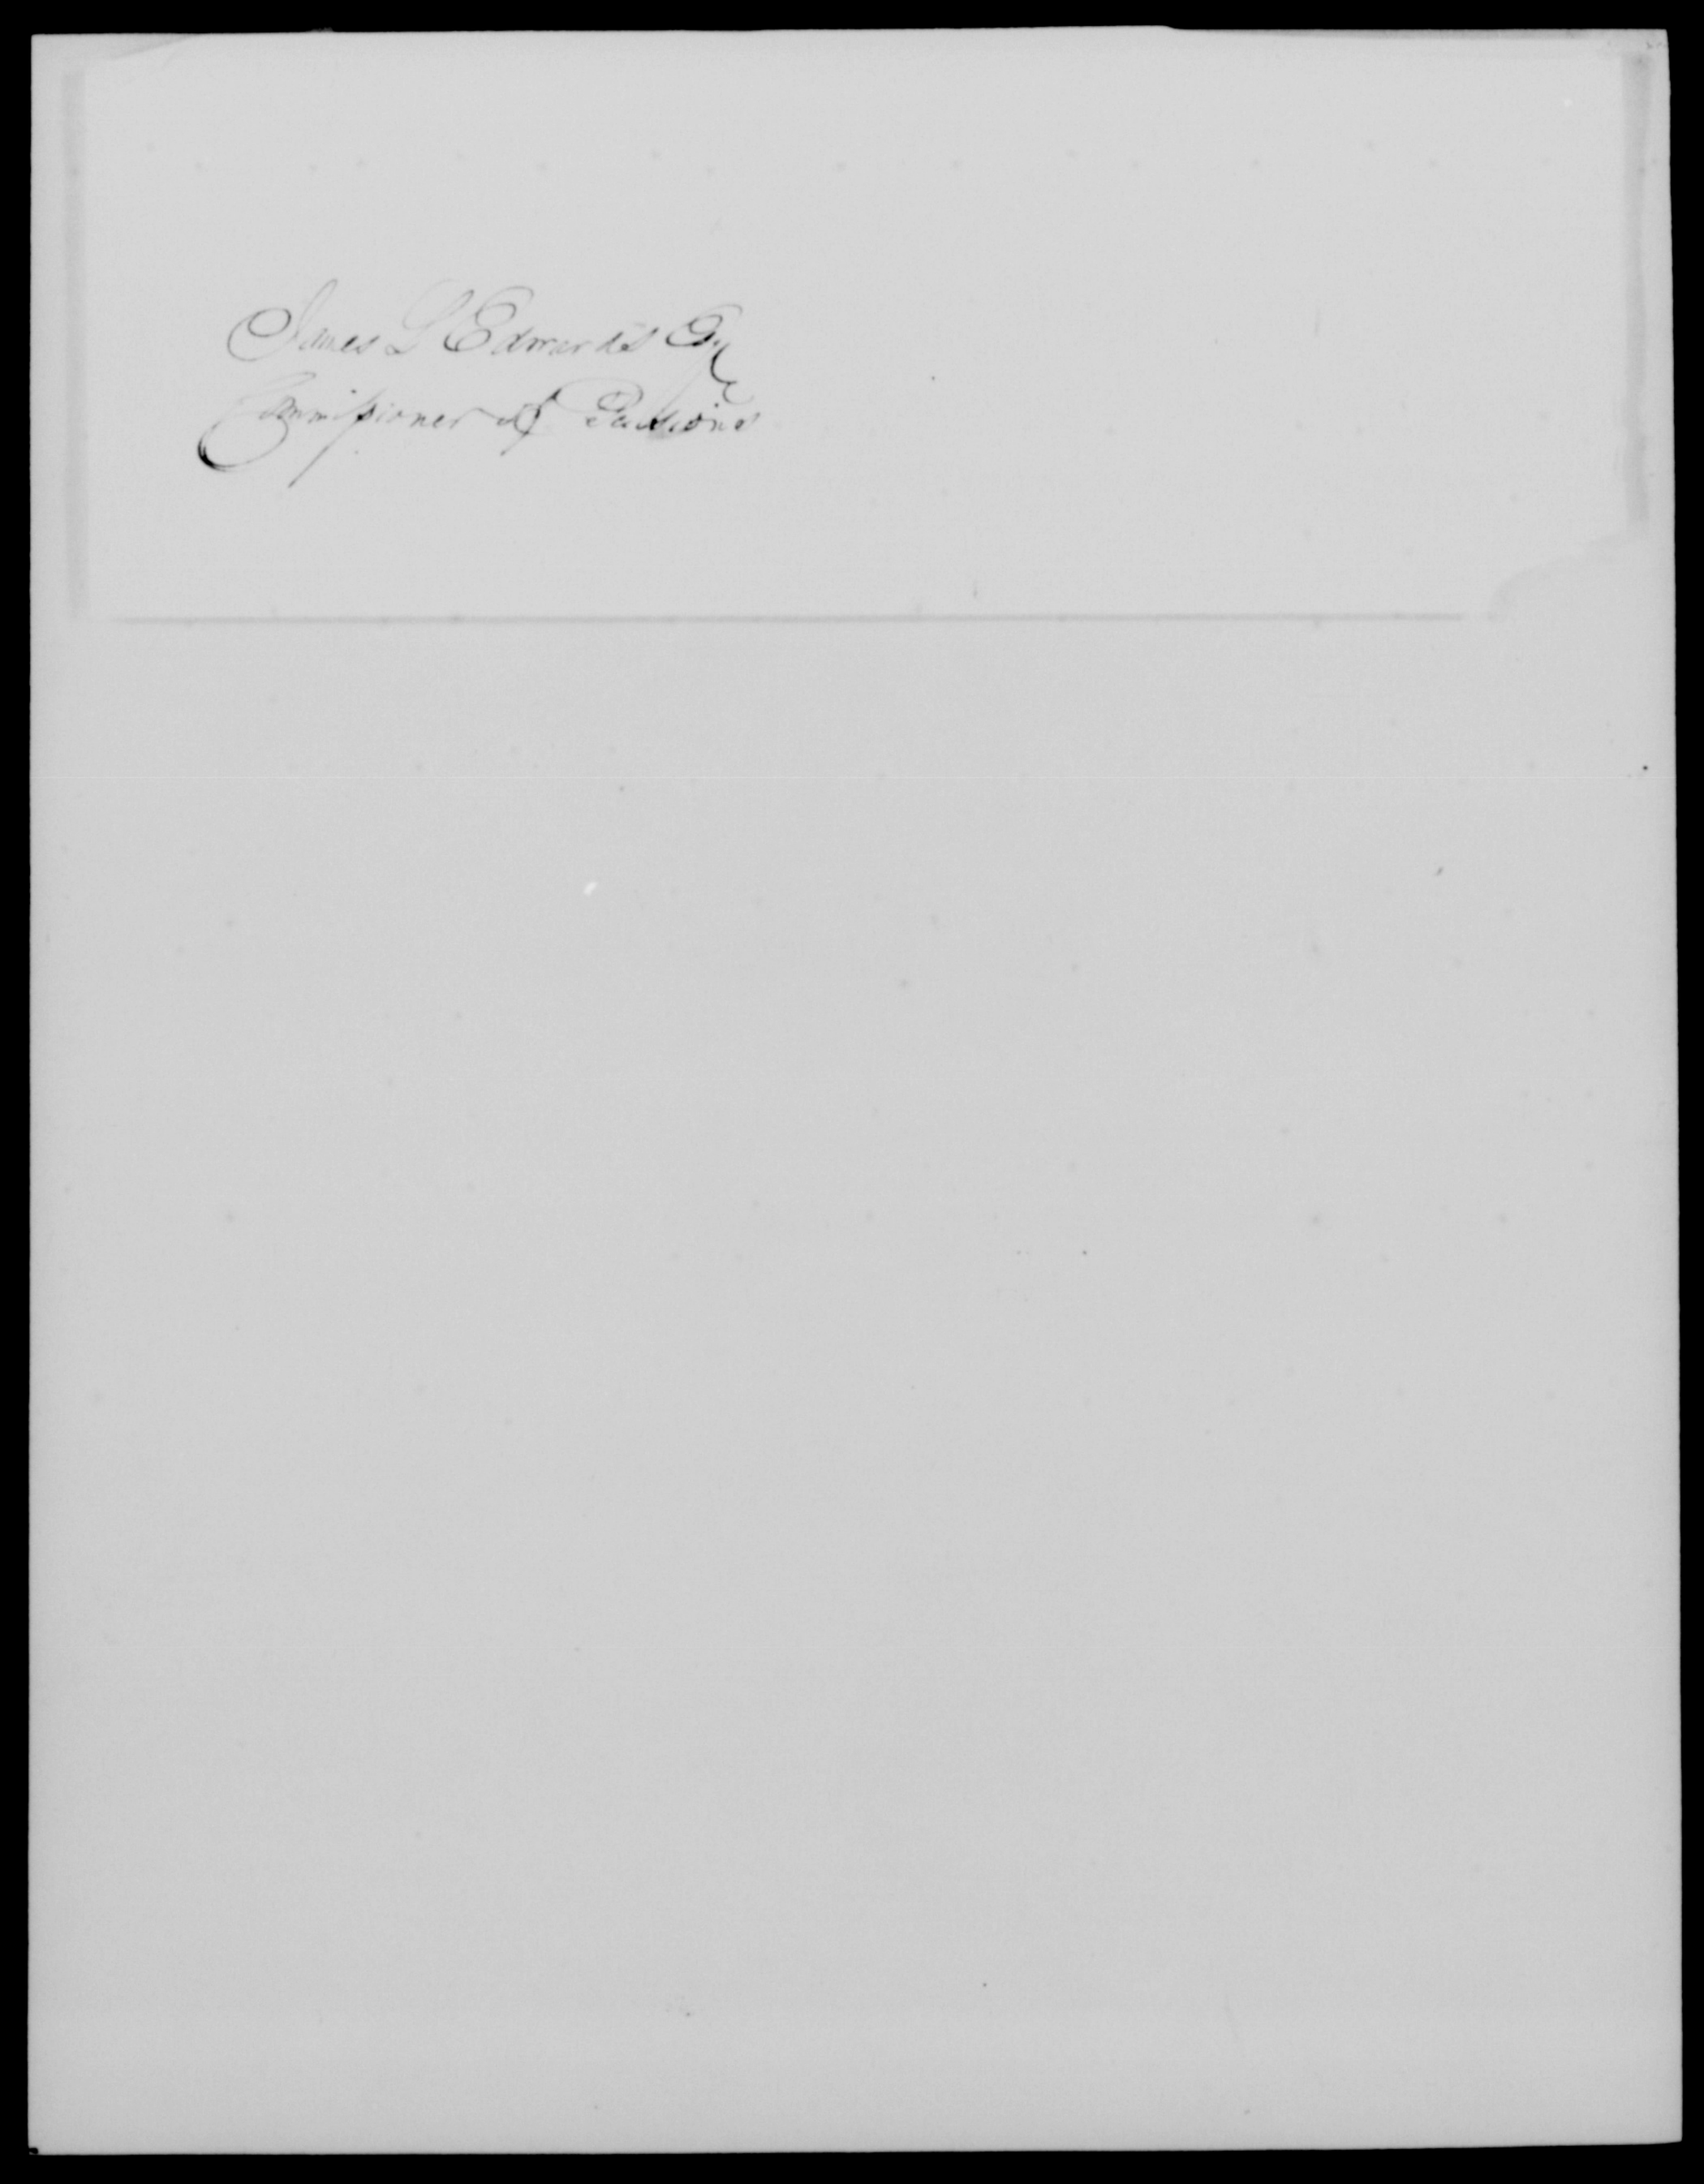James L. Edwards Esq
Commissioner of Pensions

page: 20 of 36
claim: survivor's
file: S. 10,004, for Seely Scofield, Connecticut